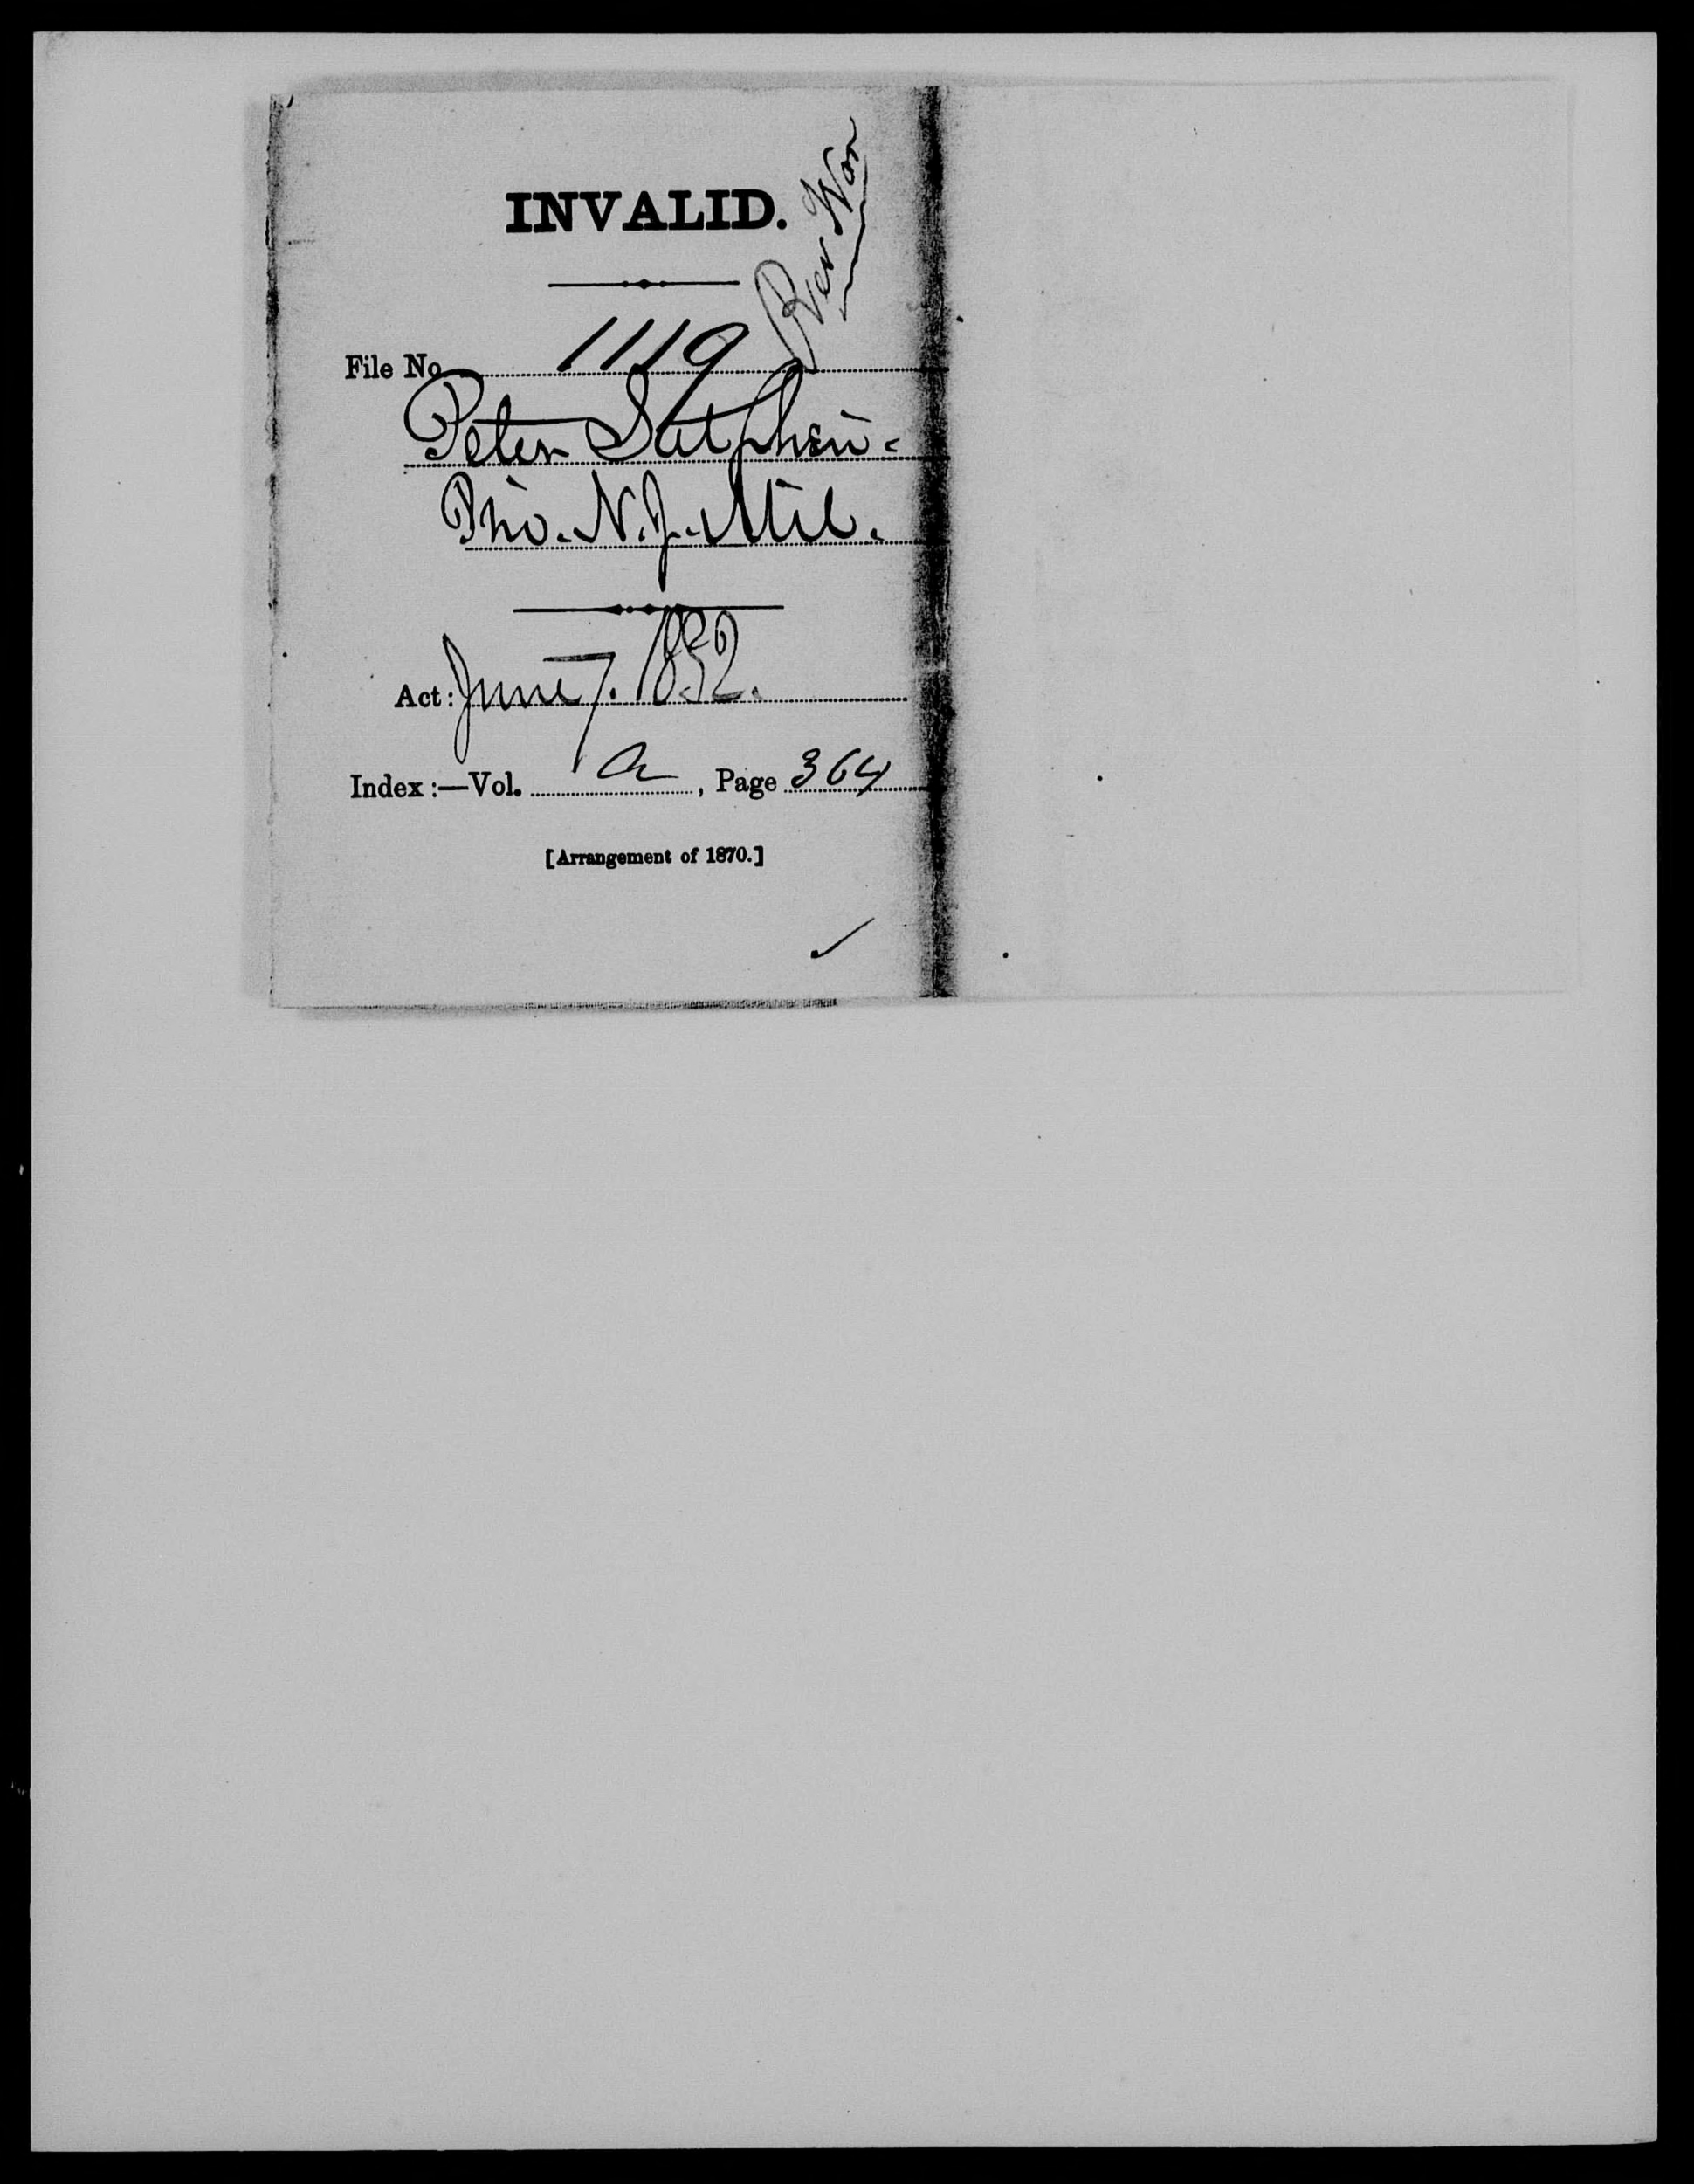Rev(olutionary) War
INVALID.
File No. 1119

Peter Sutphin
Pri(vate) N.J. Mil(itia)

Act: June 7, 1832

Index: -- Vol. A, Page 264

Arrangement of 1870.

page: 8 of 14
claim: survivor's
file: S. 1119, for Peter Sutphen, New Jersey